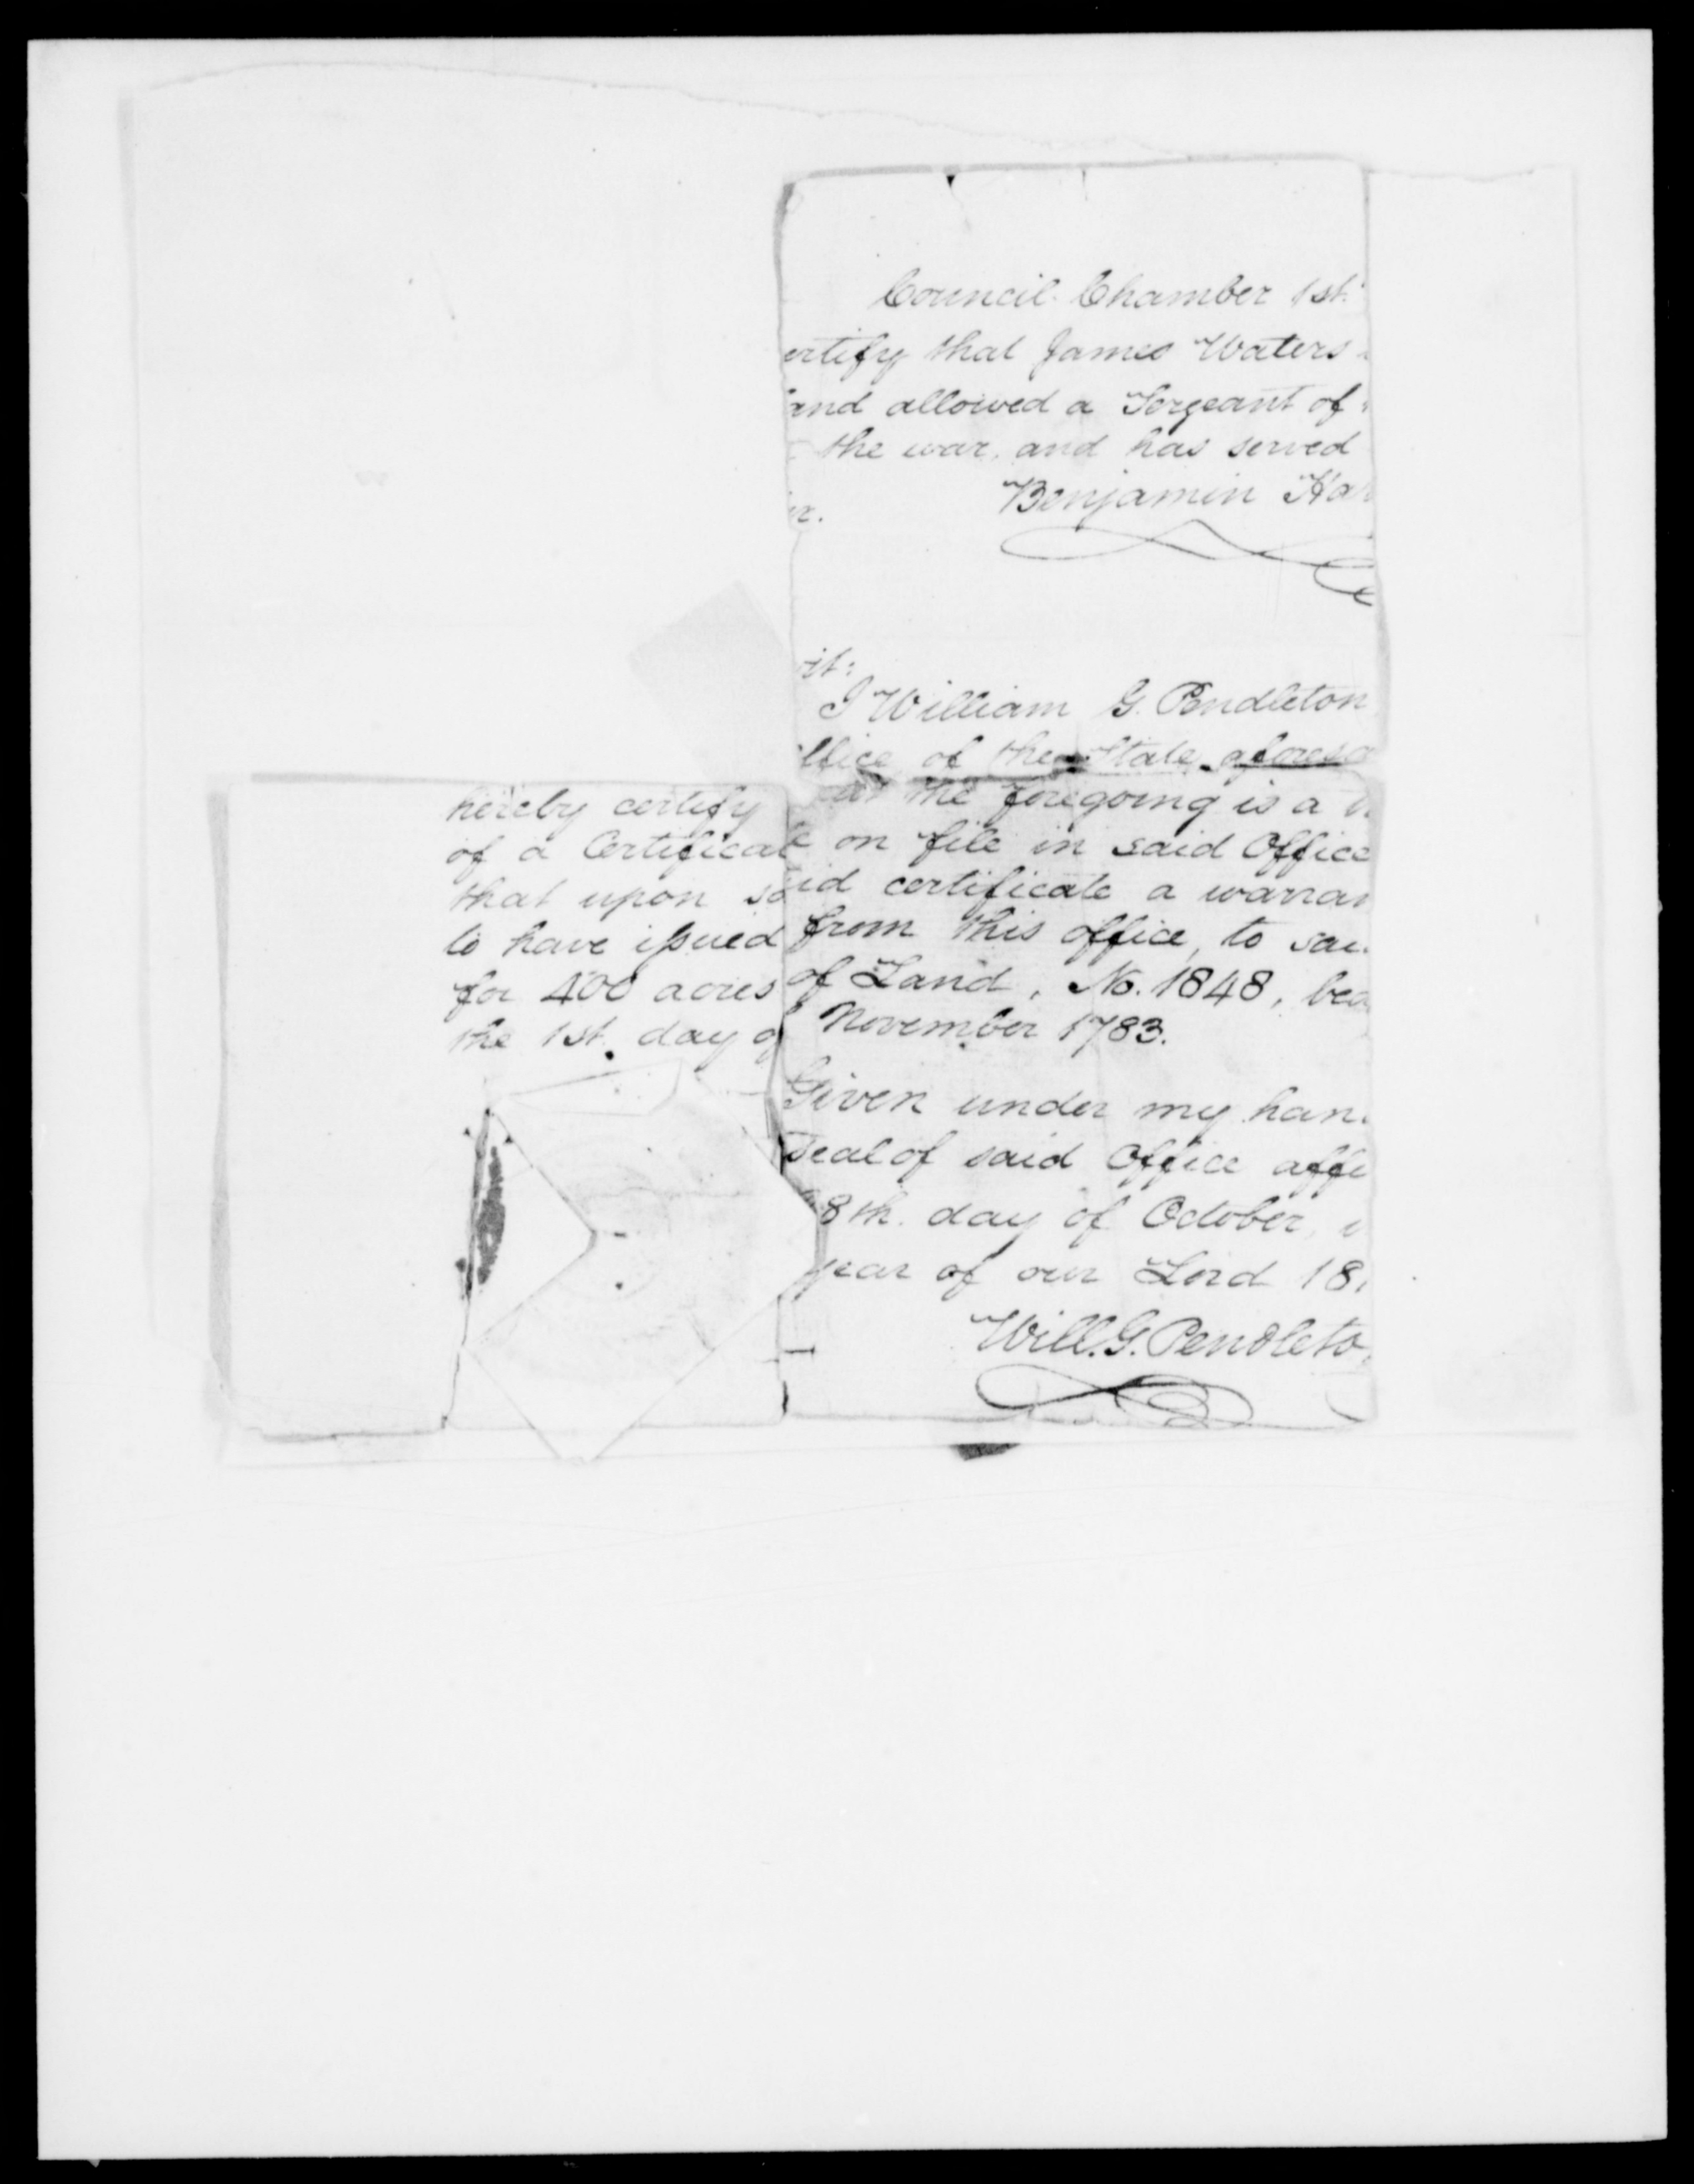Council Chamber 1st.
ertify that James Waters
and allowed a Sergeant of
the war, and has served
Benjamin Har

it:
I William G. Pendleton
ffice of the State aforesa
hereby certify the foregoing is a
of a Certificate on file in said Office
that upon said certificate a warran
to have issued from this office, to sai
for 400 acres of Land, No. 1848, bea
the 1st day of November 1783

Given under my han
seal of said Office affi
8th day of October
year of our Lord 18,
Will G. Pendleto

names: Benjamin, James Waters, William G Pendleton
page: 17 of 29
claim: survivor's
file: S. 40642, James Waters, Continental (Md)